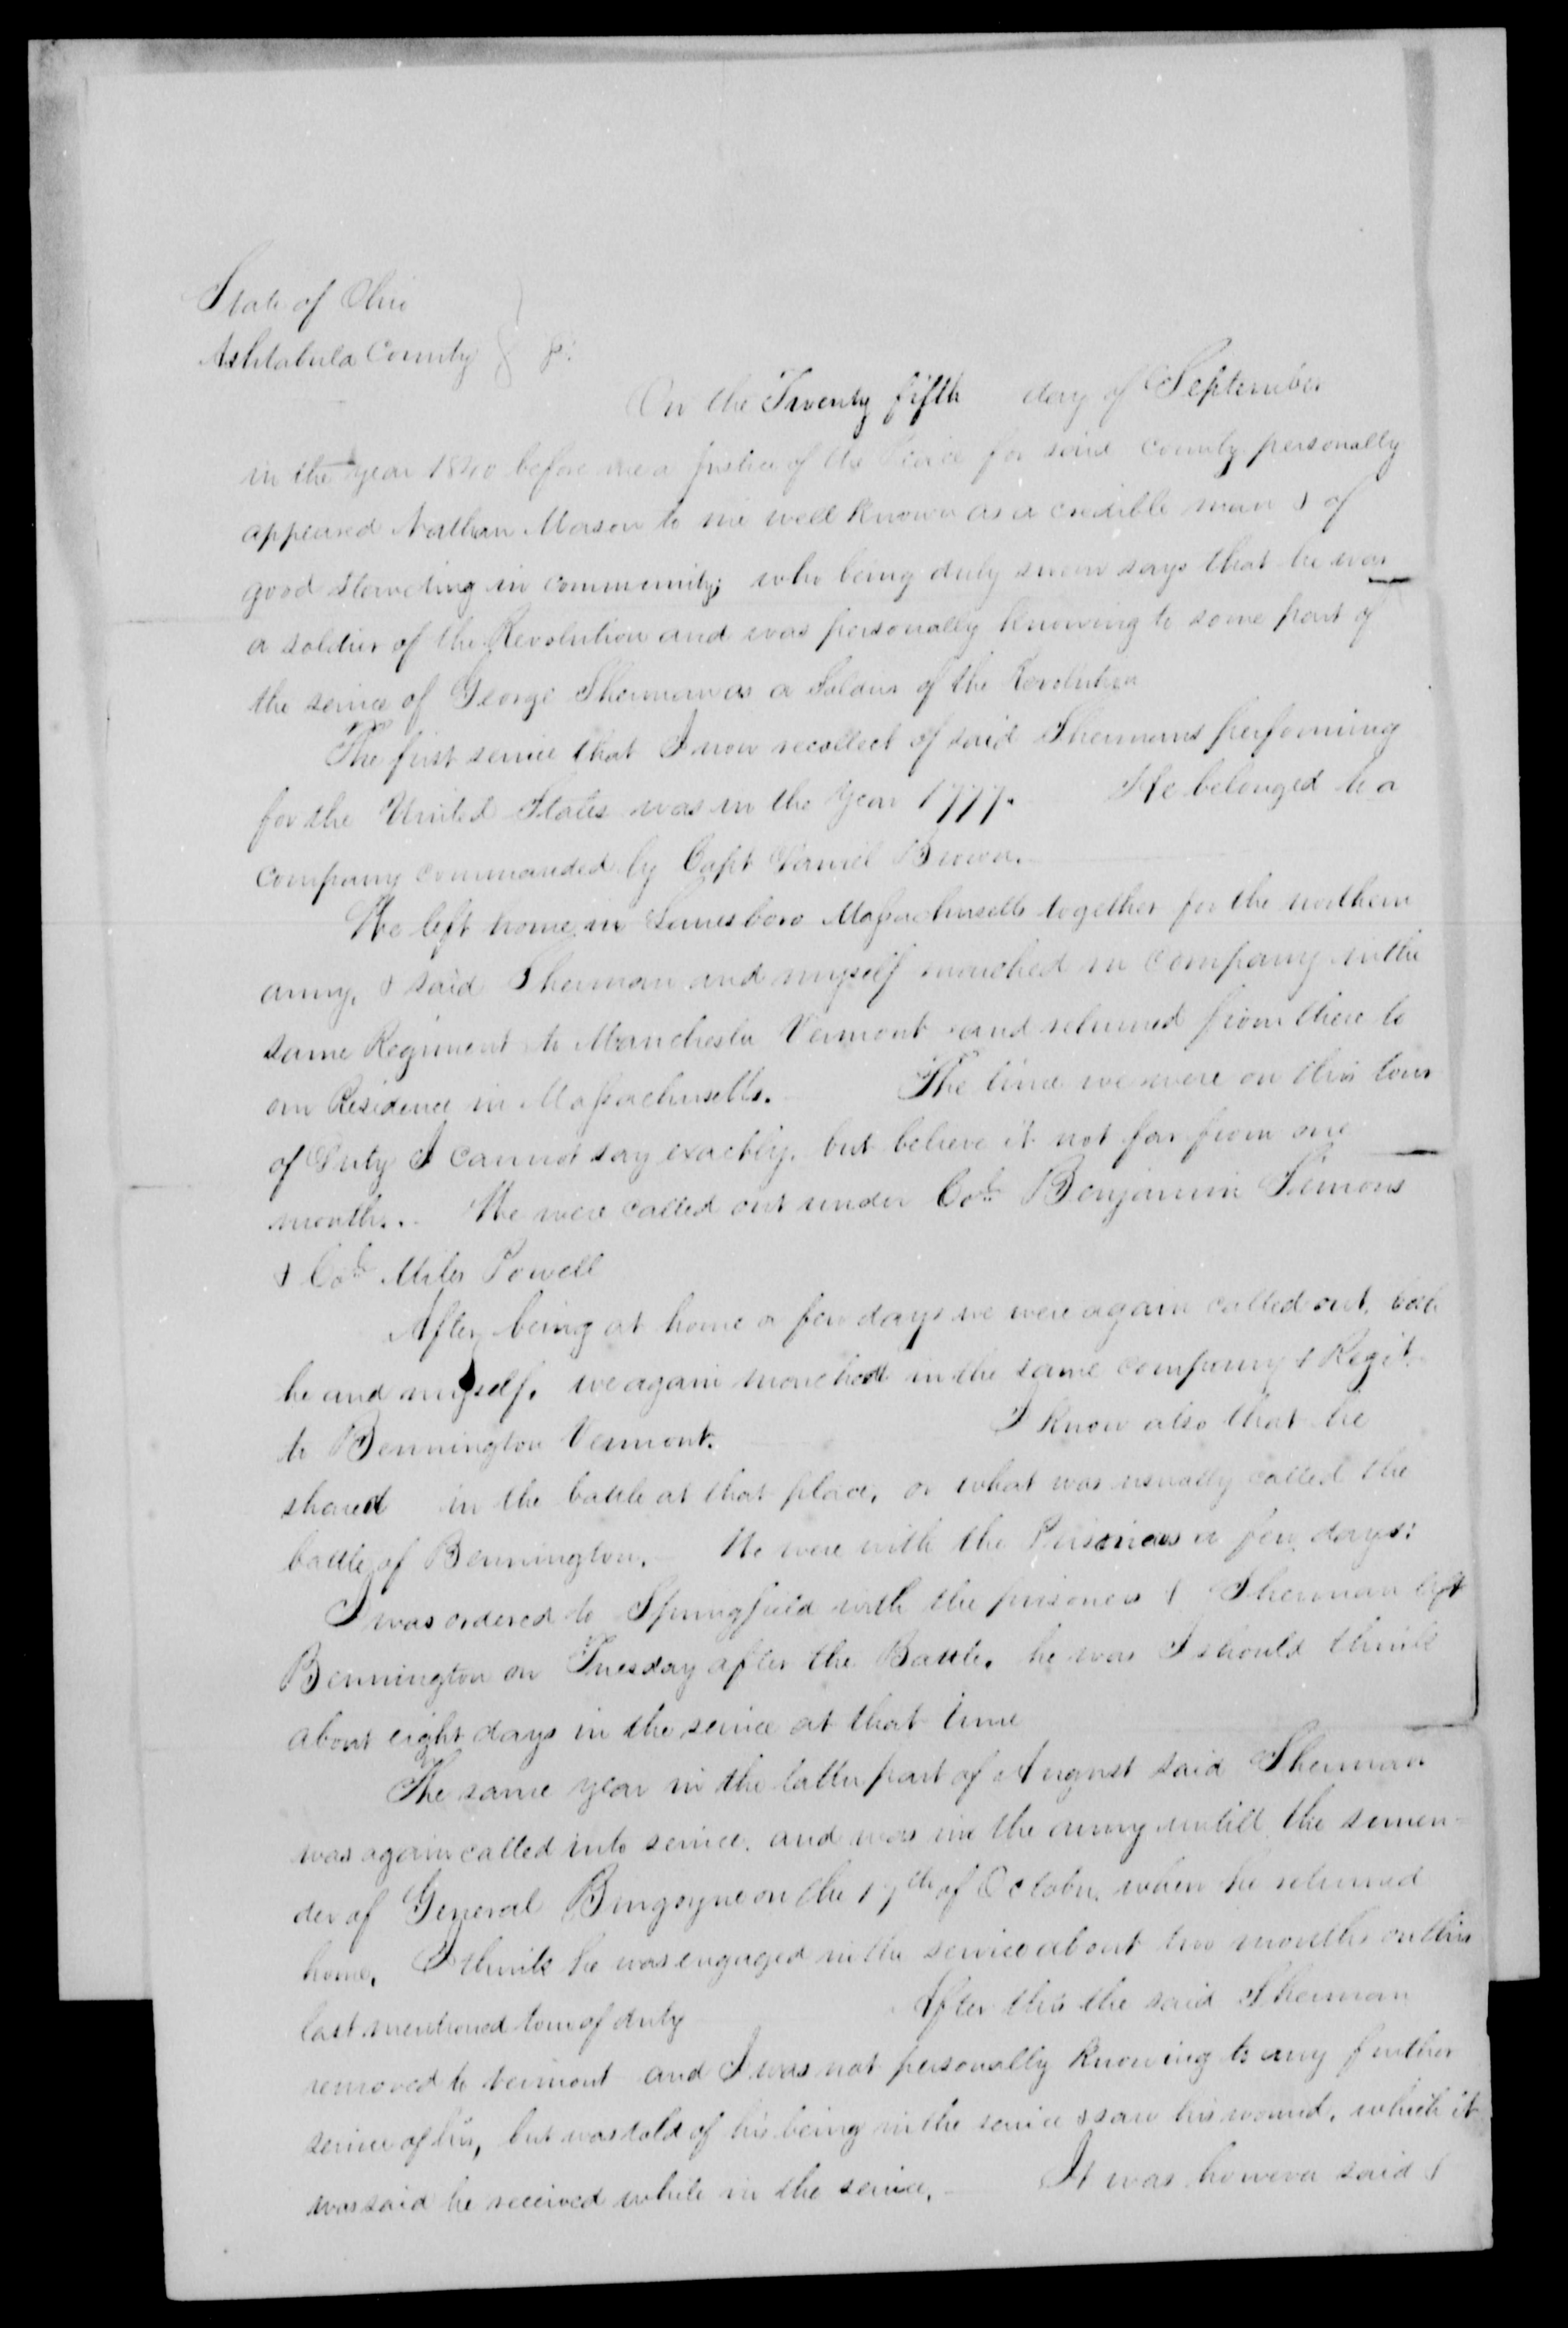State of Ohio
Ashtabula County
.
on the Twenty fifth day of September
in the year 1840 before me a Justice of the Peace for said County personally
appeared Nathan Mason to me well known as a credible man of
good standing in community, who being duly sworn says that he was a
soldier of the Revolution and was personally knowing to some part of
the service of George Sherman as a Solan of the Revolution
The first same that I now recollect of said Shermans performing
for the United States was in the year 1777. He belonged a
company commanded by Capt. Daniel Brown
the left home in Lanesboro Massachusetts together for the northern
any & said Sherman and myself munched in company in the same
Regiment to Manchester Vermont and relieved from there to
on Residence in Massachusetts
the line we were on this tour
of duty I cannot say exactly, but believe it not far from one
months. they were called out under Col Benjamin Simons
& Col Miles Powell
After being at home a few days, we were again called out at
he and I, we again marched in the same company & Regt
to Bennington Vermont
I know also that he
shared in the battle at that place, or what was usually called the
battle of Bennington
were with the person or a few days.
I was ordered to Springfield with the prisoner Sherman
Bennington on Tuesday after the Battle, he was I should think
about eight days in the service at that time
The same year in the latter part of August said Sherman
of General Burgoyne on the 17th of October when he returned
one was
again, called into service and was in the army untill the same
I think he was engaged in the service about two months on this
last mentioned tour of duty
After this the said Sherman
removed to Vermont and I was not personally knowing to any further
service of his, but was told of his being in the said saw his wound, which it ┃
was said he received while in the said
It was however said I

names: Garrett Brower; Nathan Mason; Miles Powell; [BLANK] Sherman; Benjamin Simons; [BLANK] Sherman; [BLANK] Sherman; George Sherman; [BLANK] Sherman; [BLANK] Sherman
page: 19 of 52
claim: rejected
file: R. 9493, for George Sherman, Vermont